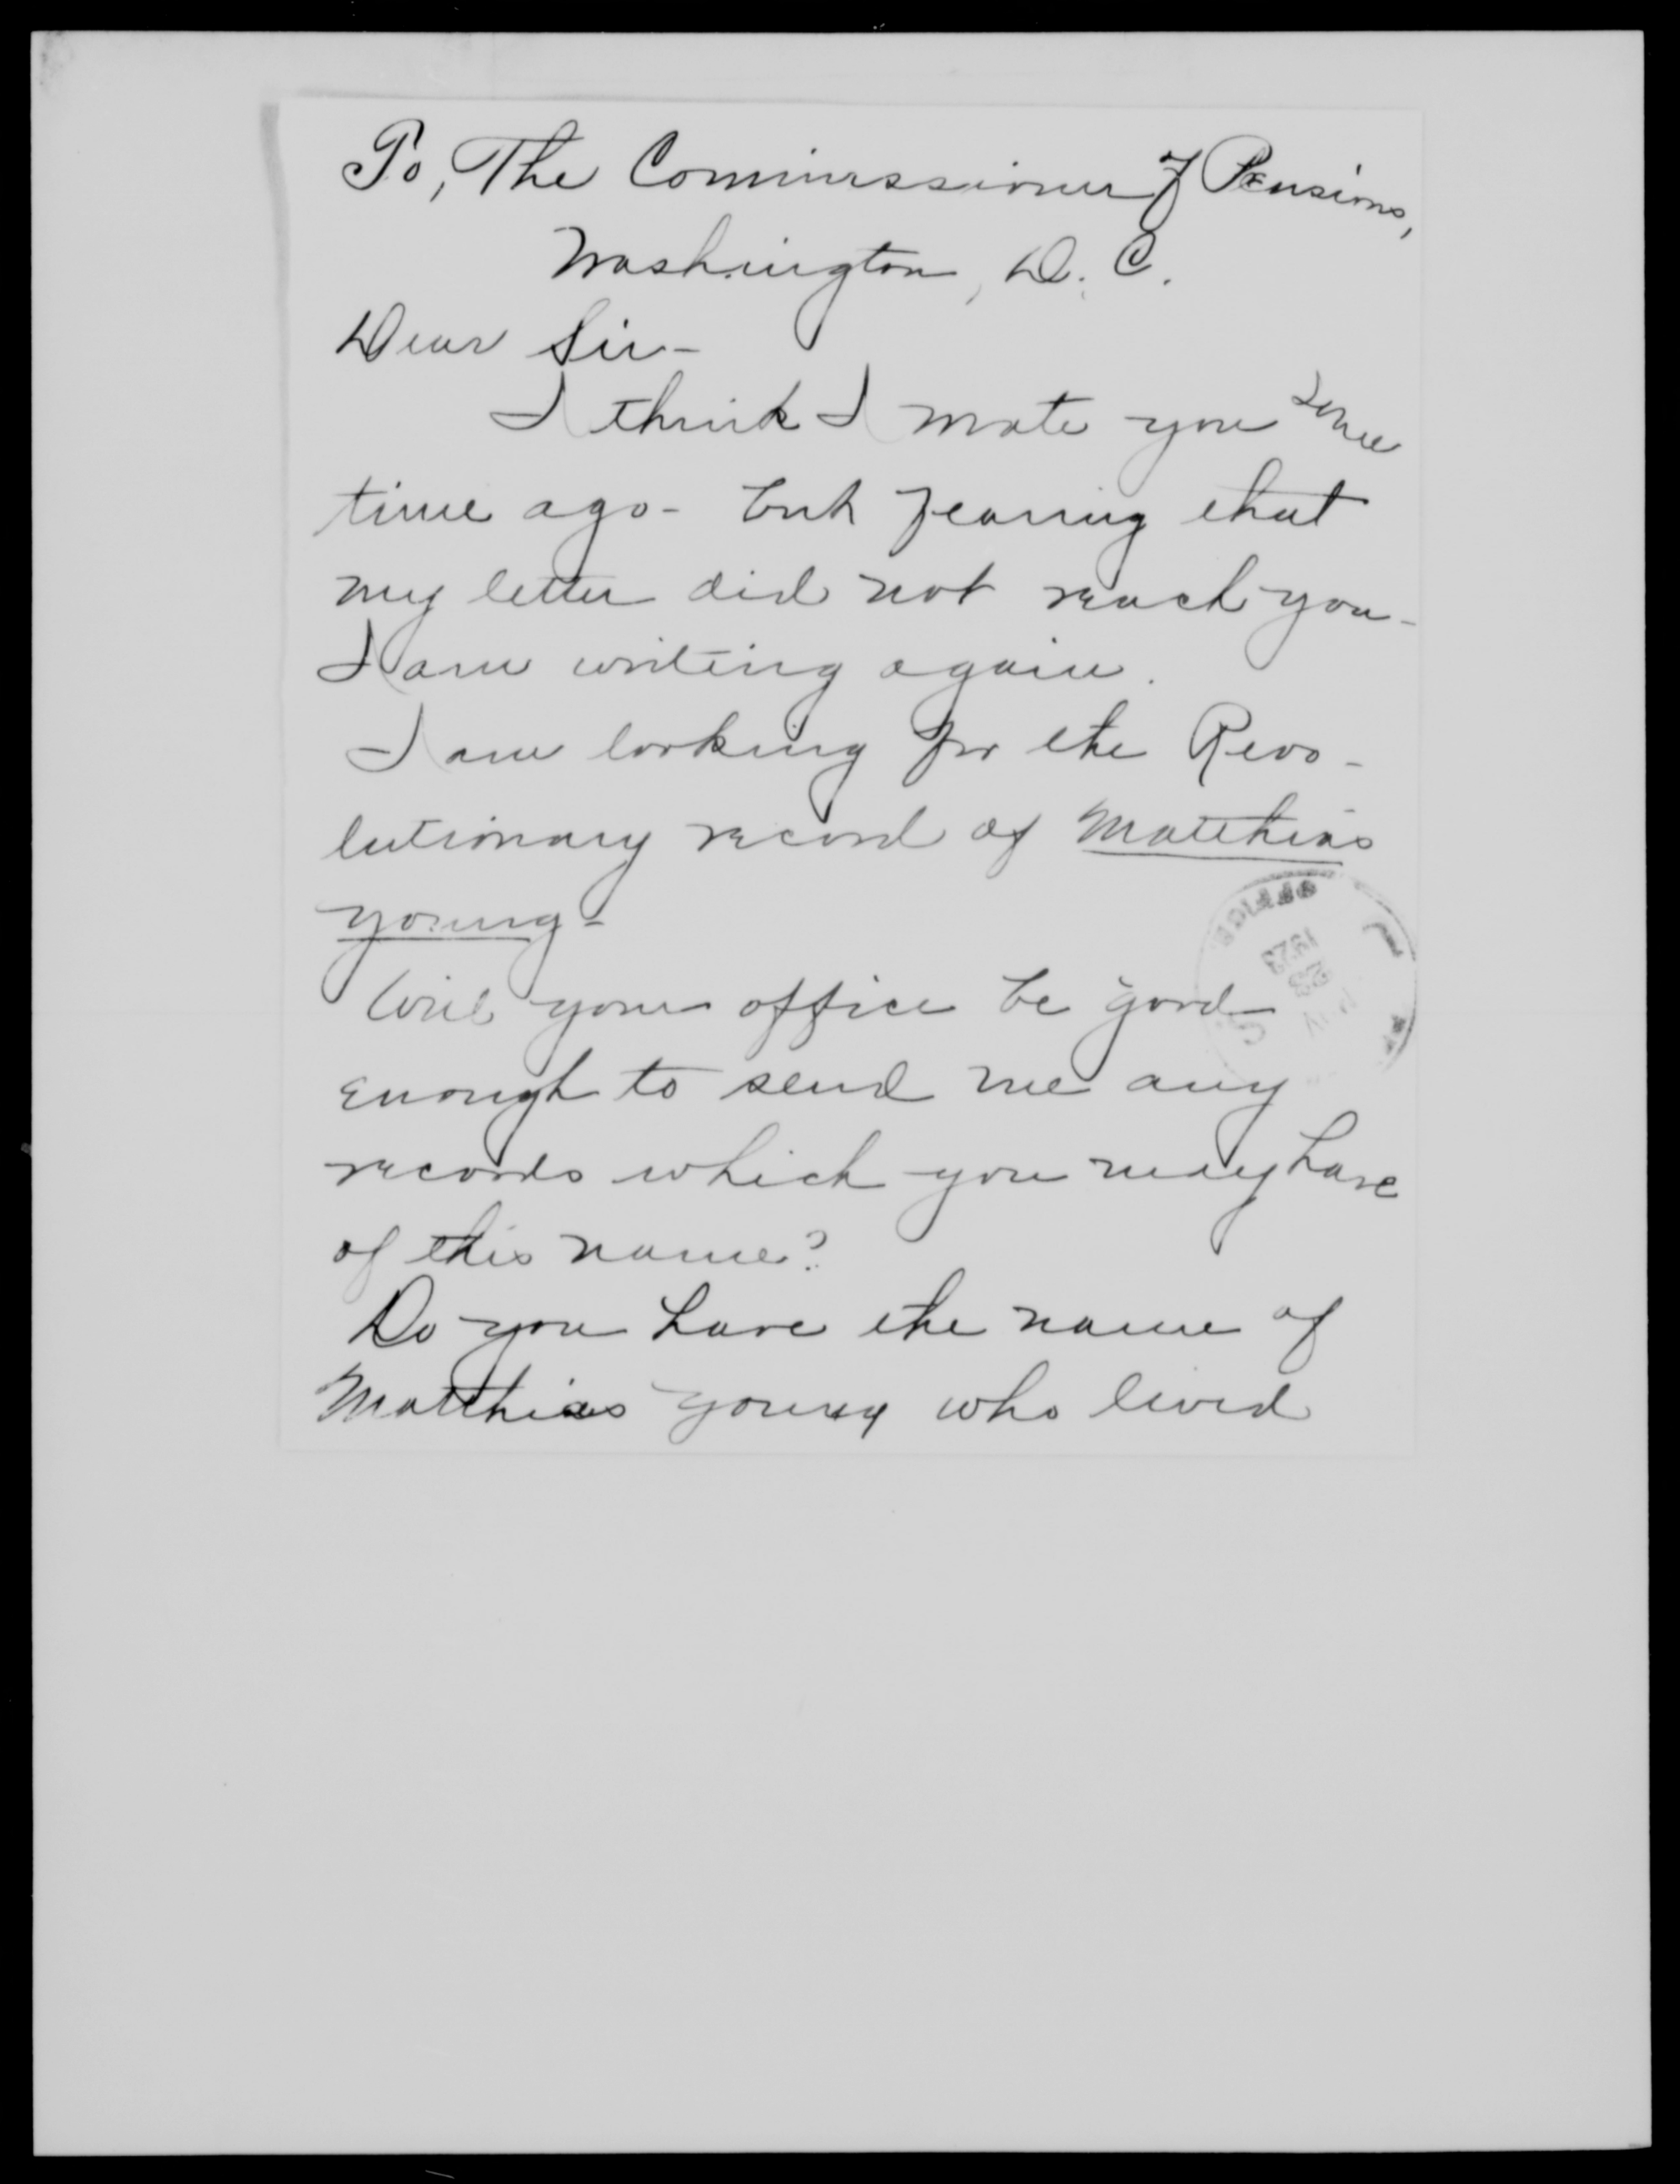To, The Commissioner of Pensions
Washington, D.C.
Dear Sir-
I think I wrote you some
time ago, but fearing that
my letter did not reach you
I am writing again.
I am looking for the Revolutionary
record of Matthias Young
Will your office be good
enough to send me any
records which you may have
of this name?
Do you have the name of
Matthias Young who lived

[circle stamp]
US PENSION OFFICE
NOV 23 1923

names: Matthias Young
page: 62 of 123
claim: rejected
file: R. 11,949, Matthias Young, Md.